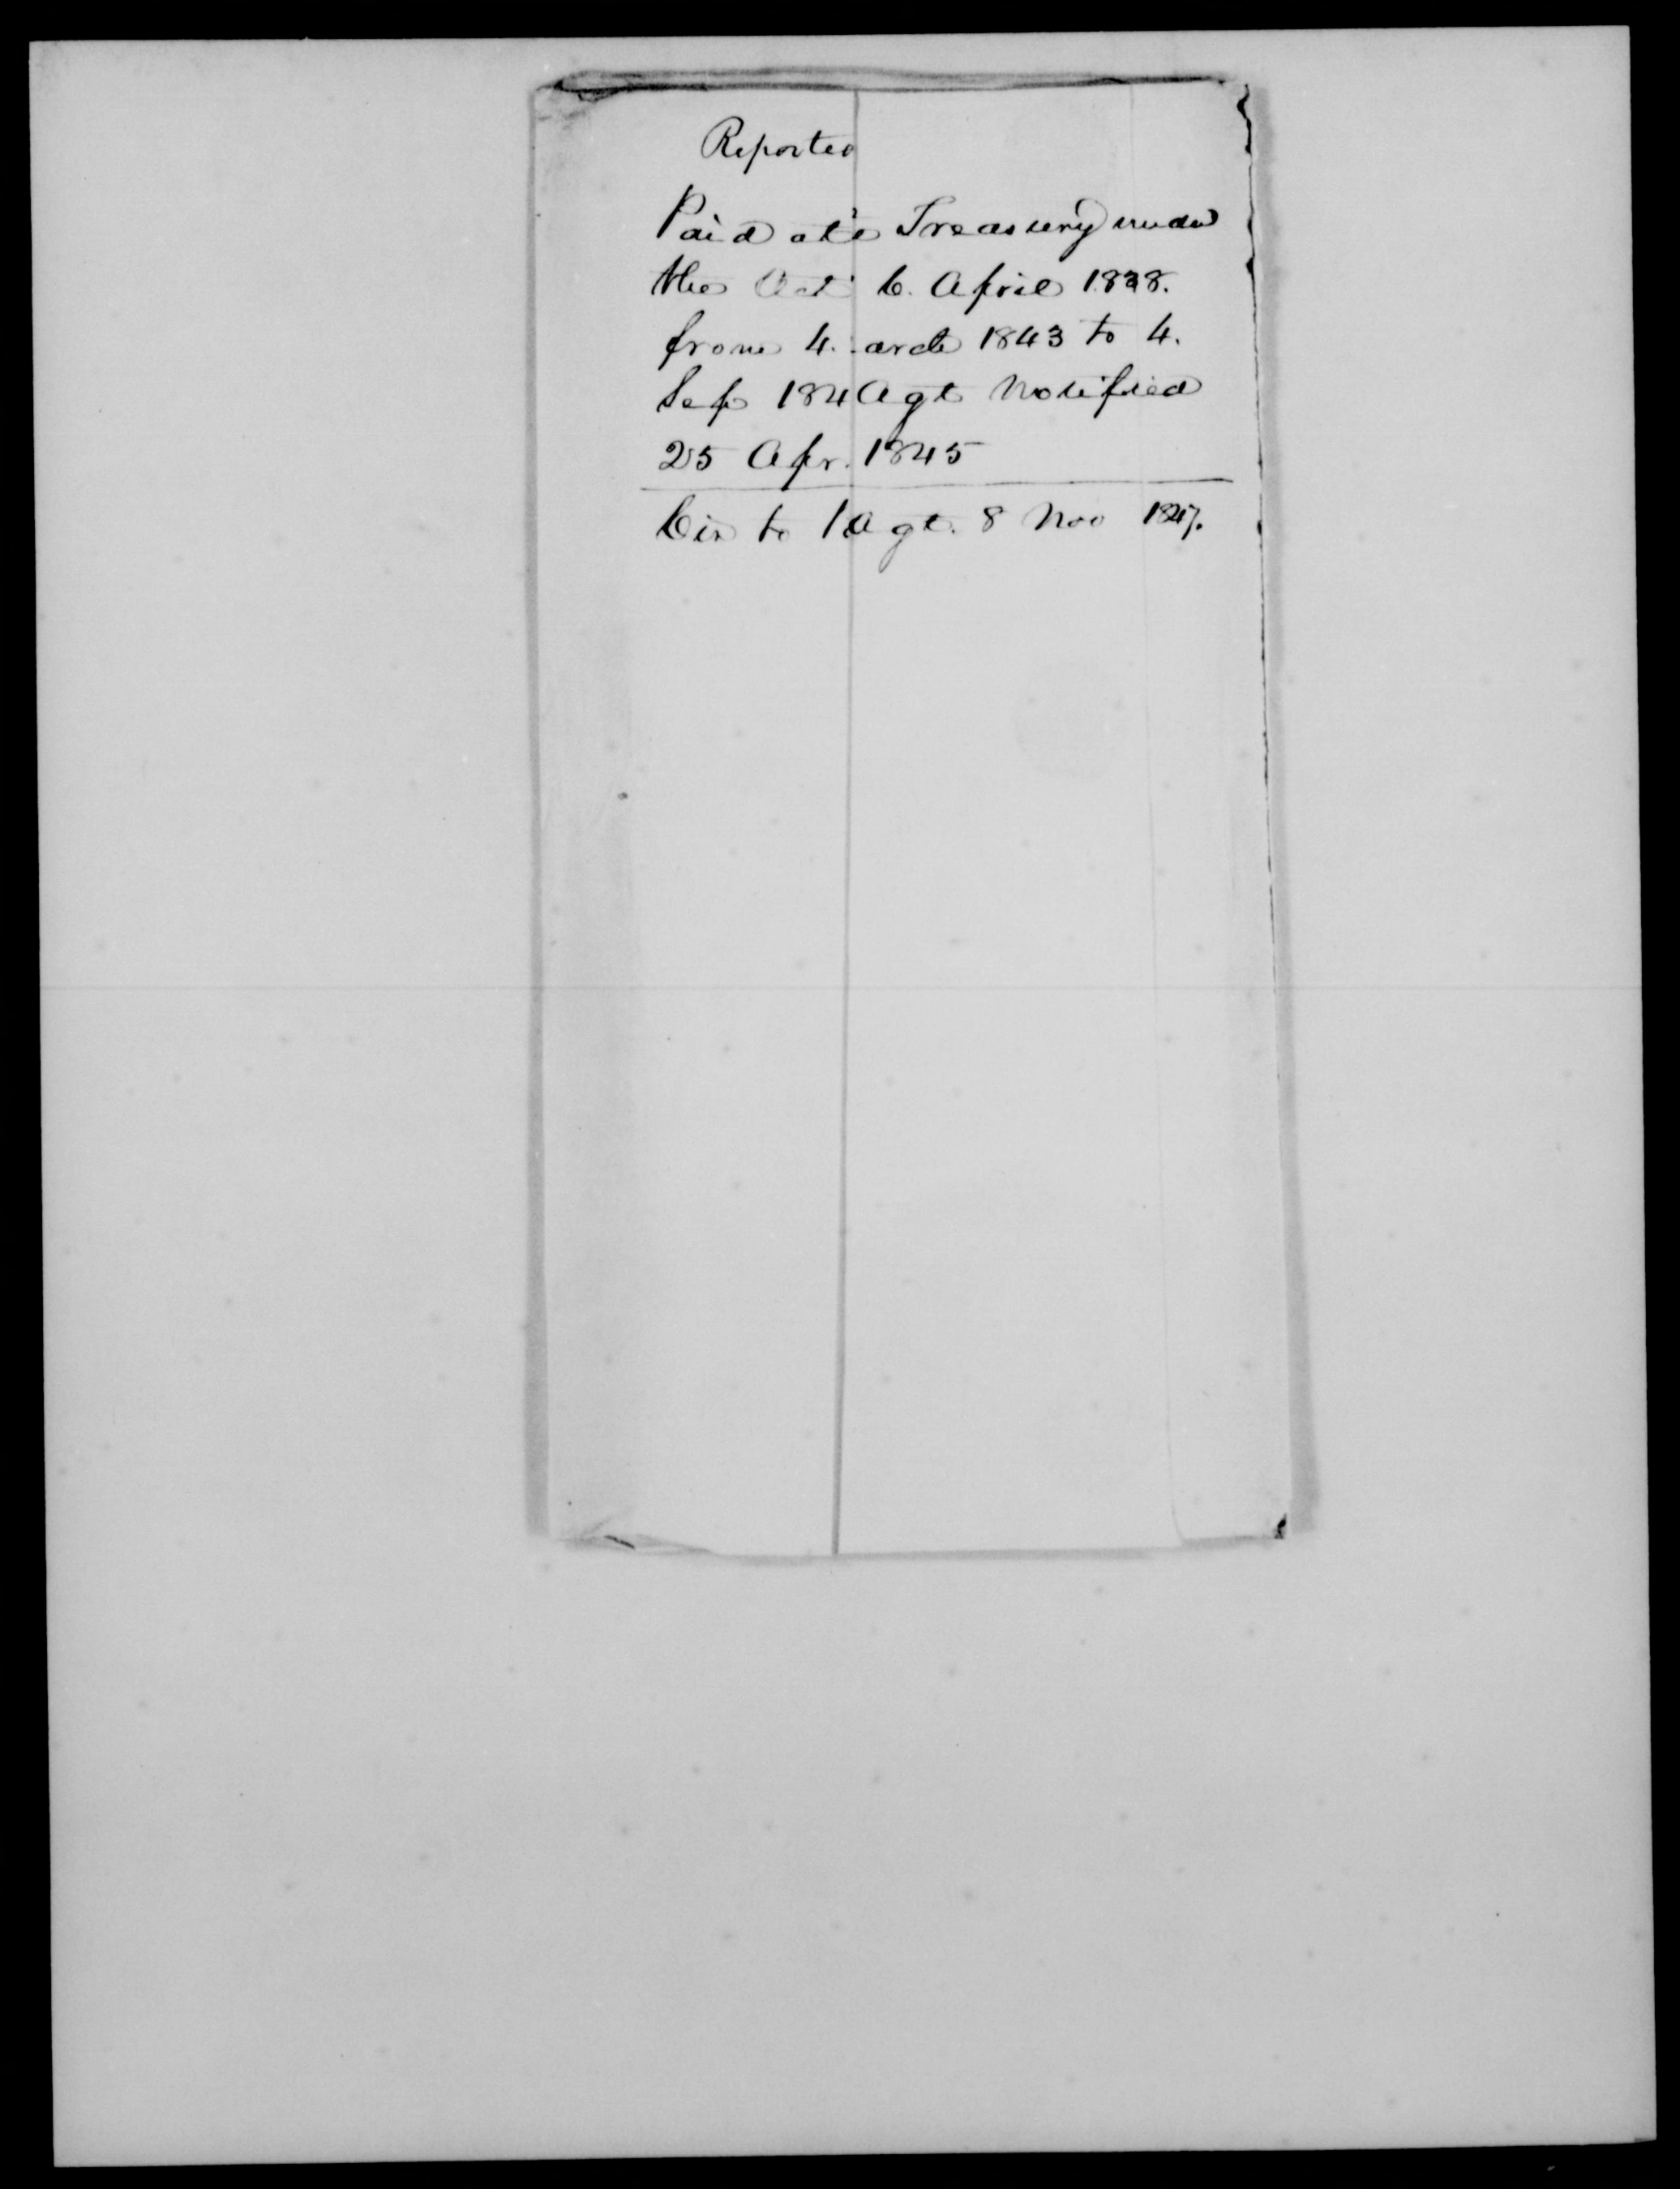Reported 
Paid at Treasury under the Act 6 April 1838. 
From 4 March 1843 to 4 Sep 184 Agt Notified 25 Apr. 1845 
Cir to Agt 8 Nov 1847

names: [BLANK]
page: 26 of 55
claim: widow's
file: W. 11480, for Phinehas Smith, Connecticut